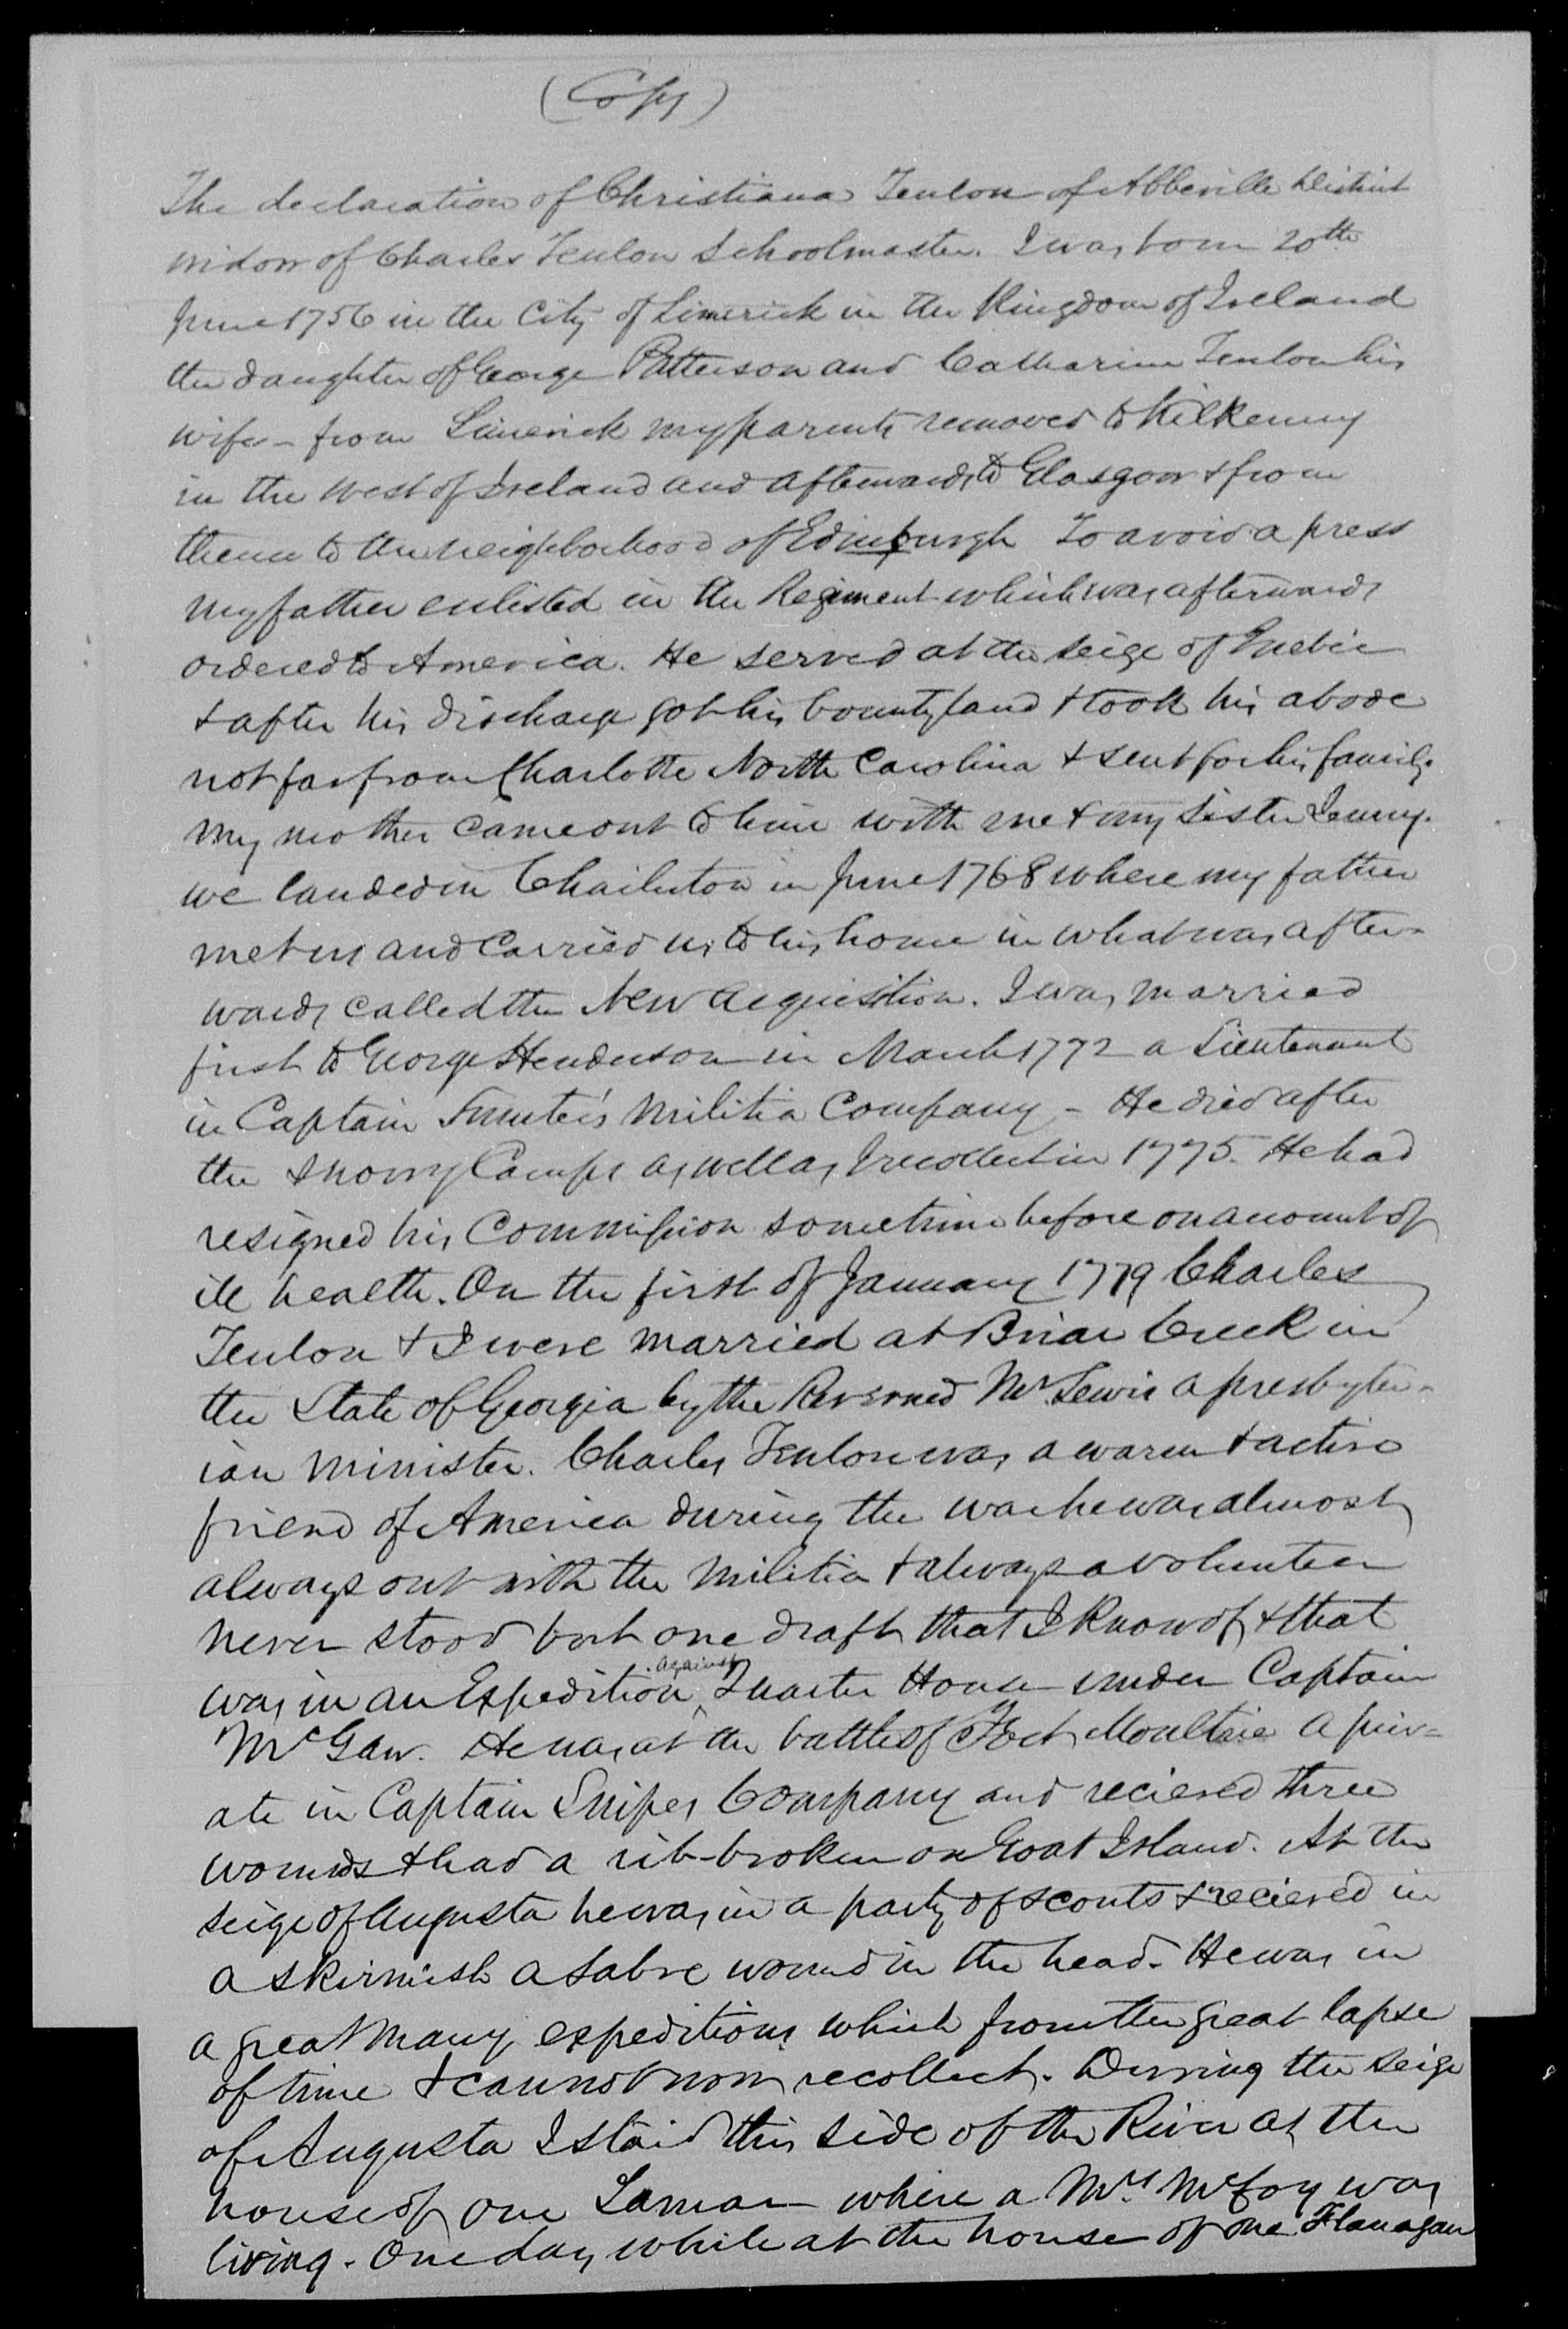(Copy)

The declaration or Christiana Teulon of Abbeville District
widow of Charles Teulon Schoolmaster
I was born 20th June 1756 in the City of Limerick in the Kingdom of Ireland
the daughter of George Patterson and Catherine (illegible) wife - from Limerick my parents removed to Kilkenny in the west of Ireland and afterwards to Glasgow from there to the neighborhood of Edinburgh to avoid a press
My father enlisted in the Regiment which was afterwards ordered to America. He served at the Seige of Quebic [sic] after his discharge got his (illegible) took his abode not far from Charlotte North Carolina & sent for his family. My mother came out to him with one of my sister (illegible). We landed in Charleston in June 1768 where my father met us and carried us to his house in (illegible) after wards called the few acquisition. I was married first to George Henderson in March 1772 a lieutenant in Captain Sumter's Militia Company - He died after in (illegible) in 1775. He had resigned his commission sometime before on account of ill health. On the first of January 1779 Charles Teulon and I were married at Briar Creek in in the State of Georgia by the Reverend (illegible) Lewis a presbyter-ian minister. Charles Teulon was a  (illegible) friend of America during the was he was almost always out with the militia & always a volunteer  never stood but one draft that I know of that was in an expedition against Quarter House under Captain McGaw. He was at the battle of Fort Moultrie (illegible) in Captain Sniper Company and recieved (sic) three wounds & had a rib-broken on Goat Island. At the siege of Augusta he was in a party of scouts & recieved in a skirmish a Sabre wound in the head. He was in a great many expeditions which from the great lapse of time I cannot now recollect. During the siege of Augusta I staid (sic) this side of the River at the house of one Lamar where a Mm. Mcfoy was living. One day while at the house of one Flanagan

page: 3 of 19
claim: rejected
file: R. 10474, for Charles Teulon, South Carolina